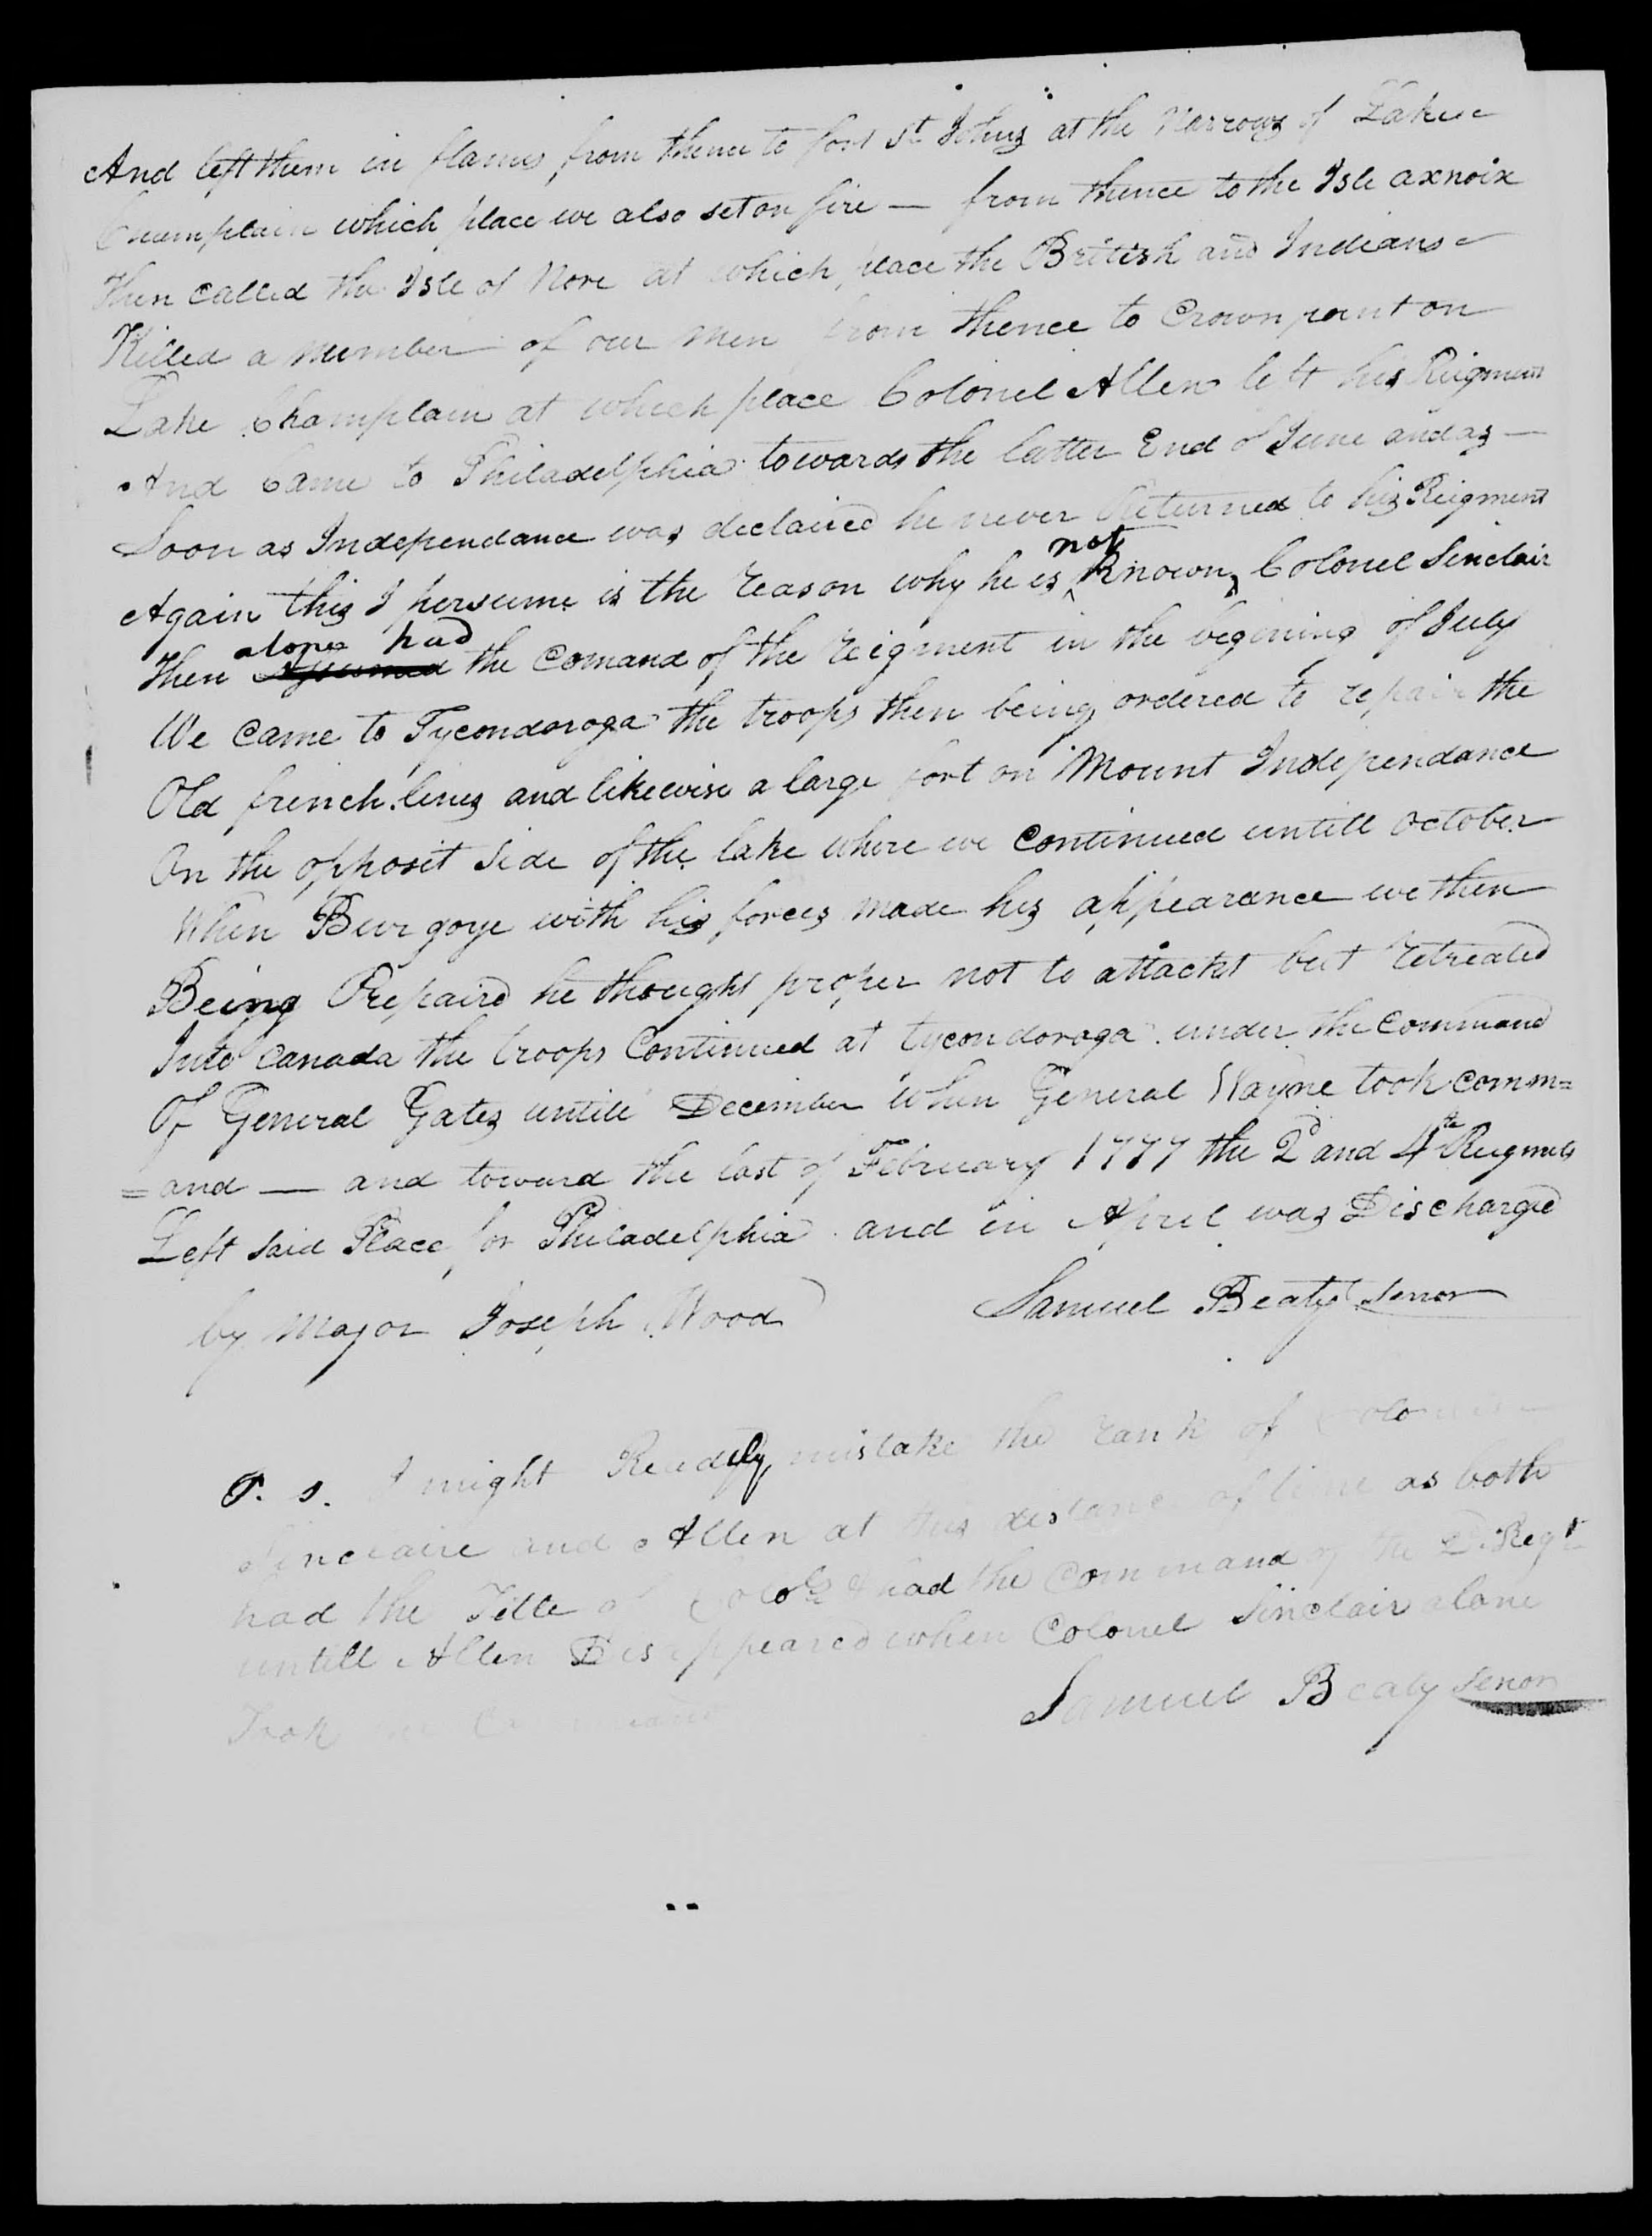And left them in flames from thence to fort S"t Johns at the Narrows of Lake Champlain which place we also set on fire -- from thence to the Isle axnoix Then called the Isle of Nore at which place the British and Indians Killed a number of our men from thence to Crownpoint on Lake Champlain at which place Colonel Allen left his Regiment And came to Philadelphia towards the latter End of June and as Soon as Independance was declaired he never Returned to his Regiment Again this I presume is the reason why he is ^not Knowing Colonel Sinclair Then alone had the comand [sic] of the regiment in the beginning of July We came to Tycondoroga [Ticonderoga] the troops then being ordered to repair the Old french lines and likewise a large fort on Mount Independance On the opposit [sic] side of the lake where we continued untill [sic] october When Burgoyue with his forces made his appearance within Being Prepaird he thought broper not to attackt [sic] but retreated Into canada the troops Continued at tycondoroga [sic] under the Command of General Gates untill December when General Wayne took command --- and toward the last of February 1777 the 2nd and 4th Regiments Let said Place for Philadel[hia and in April was Discharged by Major Joseph Wood     Samuel Beaty Senor [sic]

P.s.  I might Readily mistake the rank of Colonel - Sinclaire and Allen at this distance of time as both had the Title of Colo"ls & had the command of the 2d Regt untill Allen Disappeared when Colonel Sinclair alone took the command   Samuel Beaty Senor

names: Sinclair, Gates, Joseph Wood, Allen, Wayne, Allen, Samuel Beaty, Samuel Beaty, Sinclaire, Allen, Sinclair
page: 11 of 31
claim: survivor's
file: S. 34646, Samuel Beaty, Penn.